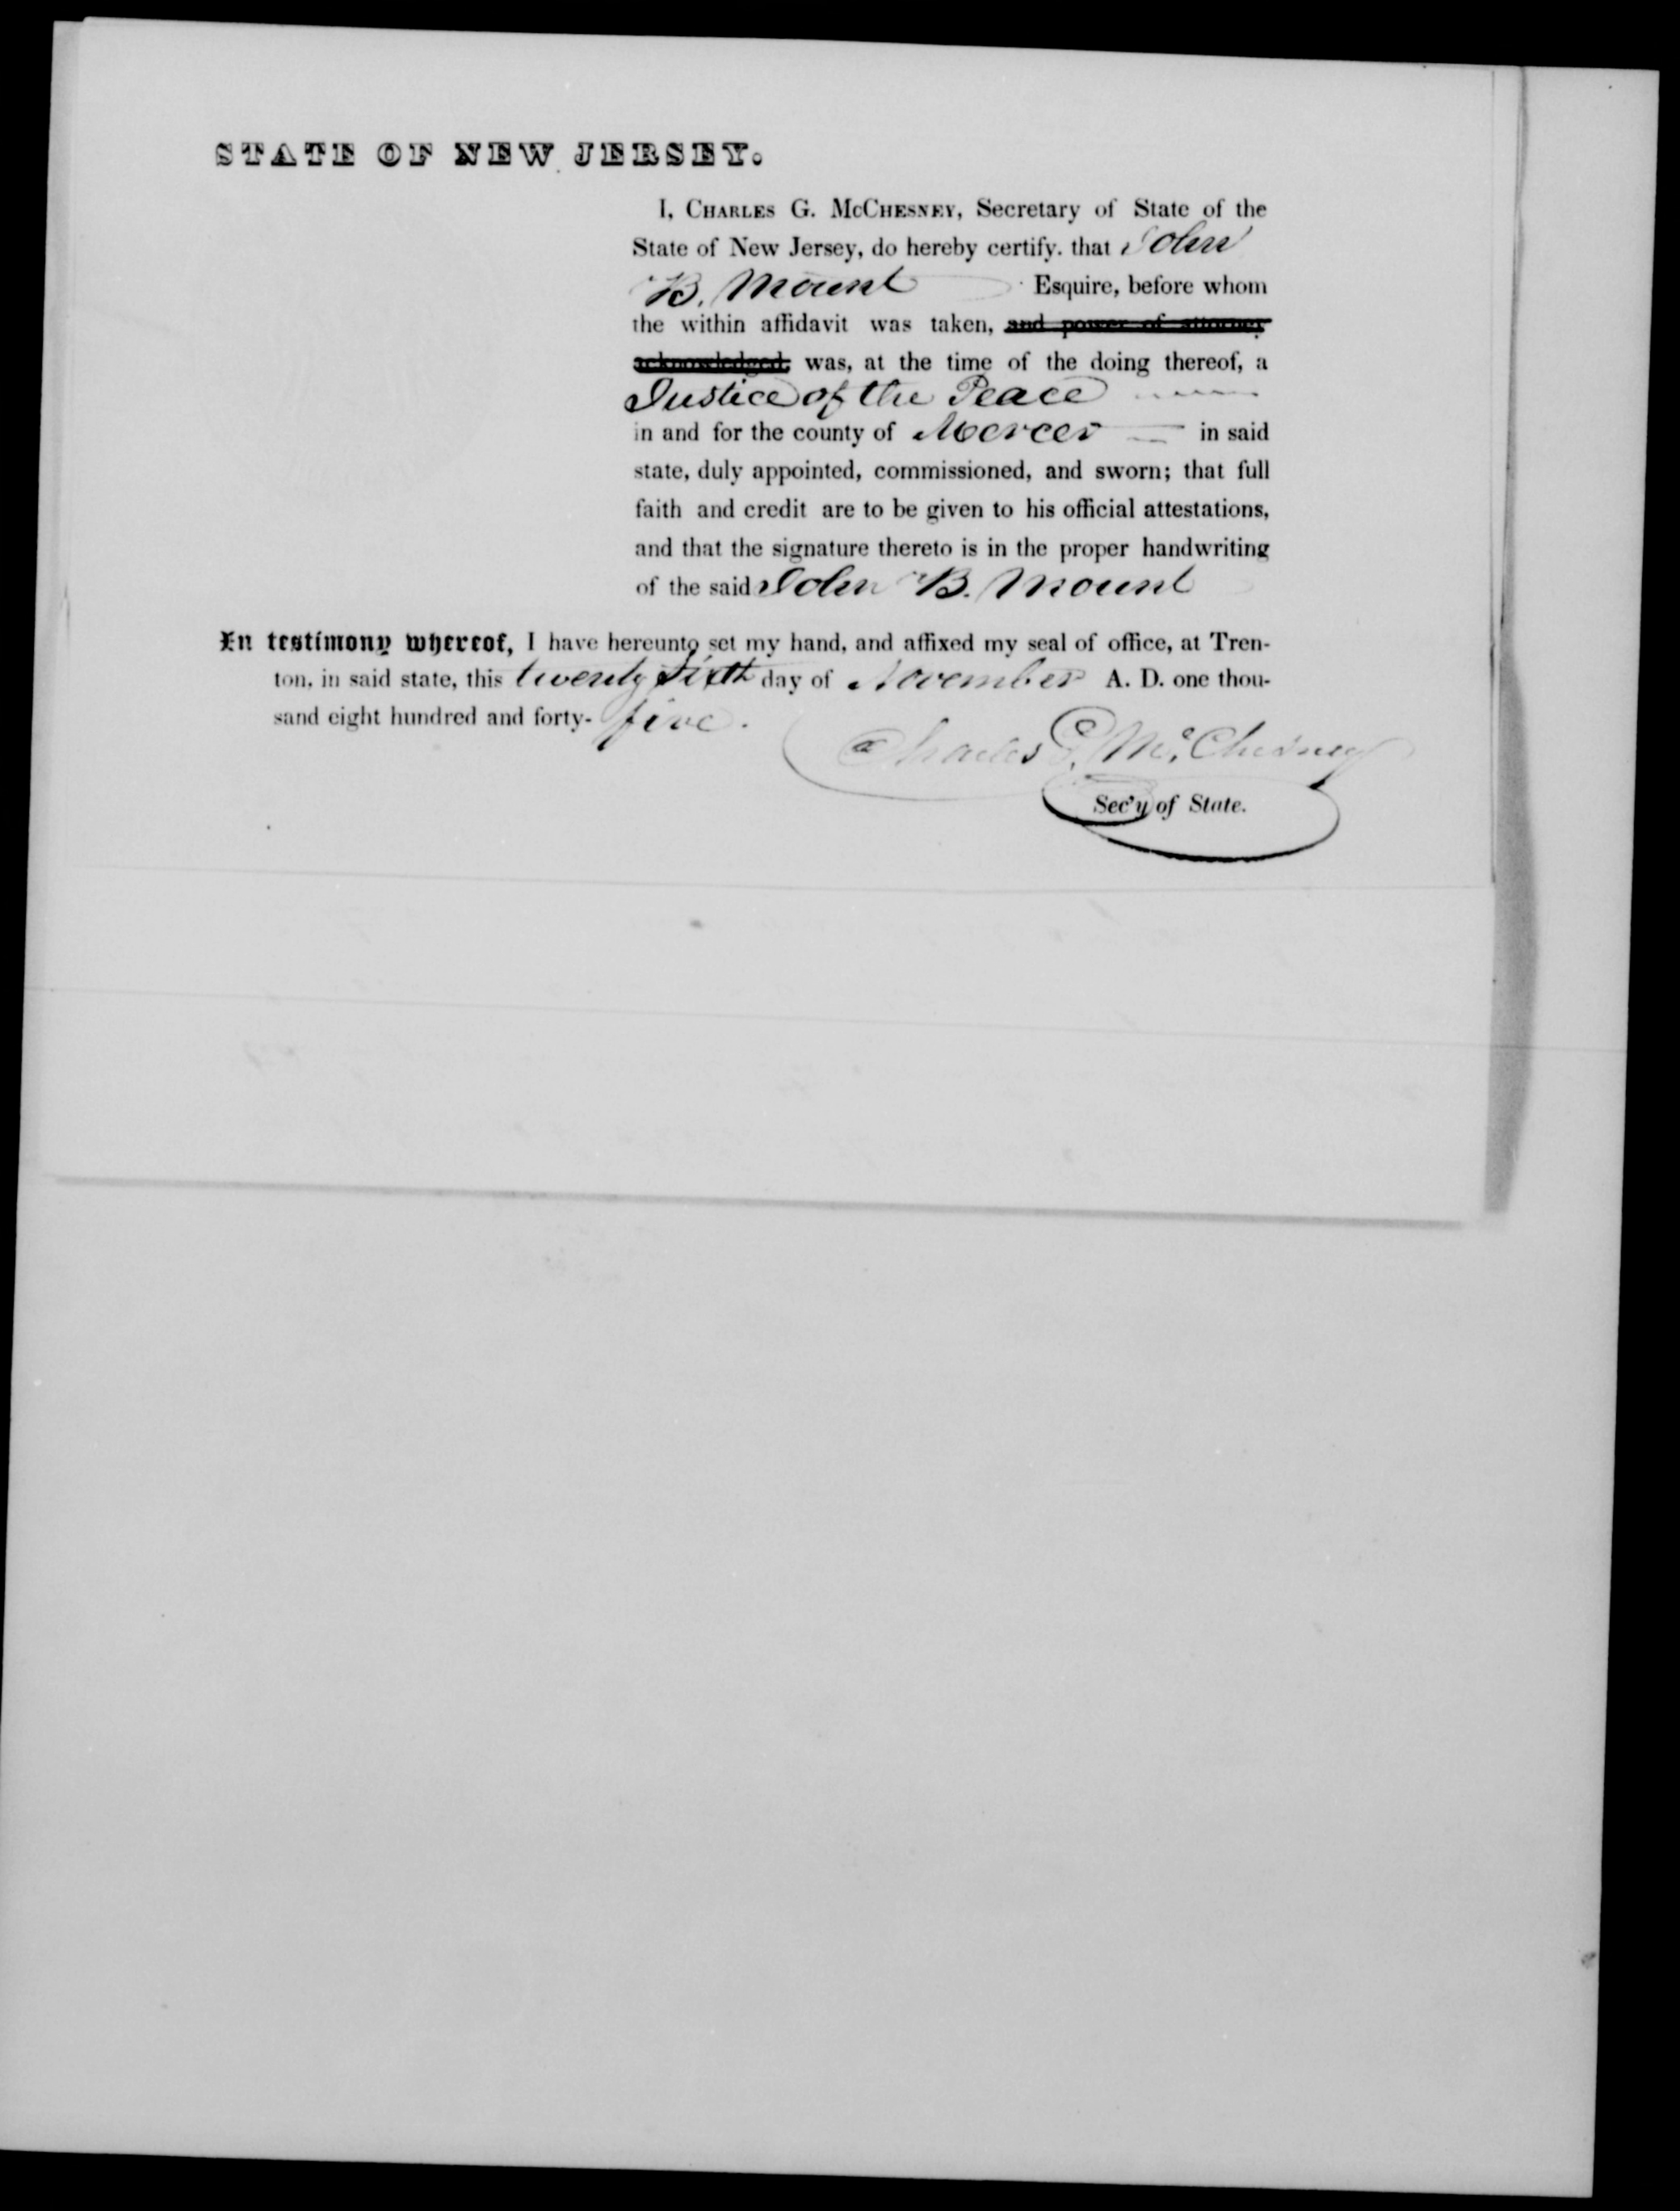STATE OF NEW JERSEY.
I, CHARLES G. McCHESNEY, Secretary of State of the State of New Jersey, do hereby certify that John B. Mount Esquire, before whom
the within affidavit was taken, and
was, at the time of the doing thereof, a
Justice of the Peace in and for the county of Mercer in said state, duly appointed, commissioned and sworn; that full
faith and credit are to be given to his official attestations, and that the signature thereto is in the proper handwriting of the said John B. Mount
In testimony whereof, I have hereunto set my hand, and affixed my seal of office, at Trenton, in said state, this twenty Sixth day of November
A. D. one thousand eight hundred and forty five.
Charles G. McChesney
Sec'y of State.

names: John B Mount; John B Mount; Charles G Mc Chesney; Charles G Mc Chesney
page: 28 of 33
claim: survivor's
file: S. 4,841, for James Sickles, New Jersey